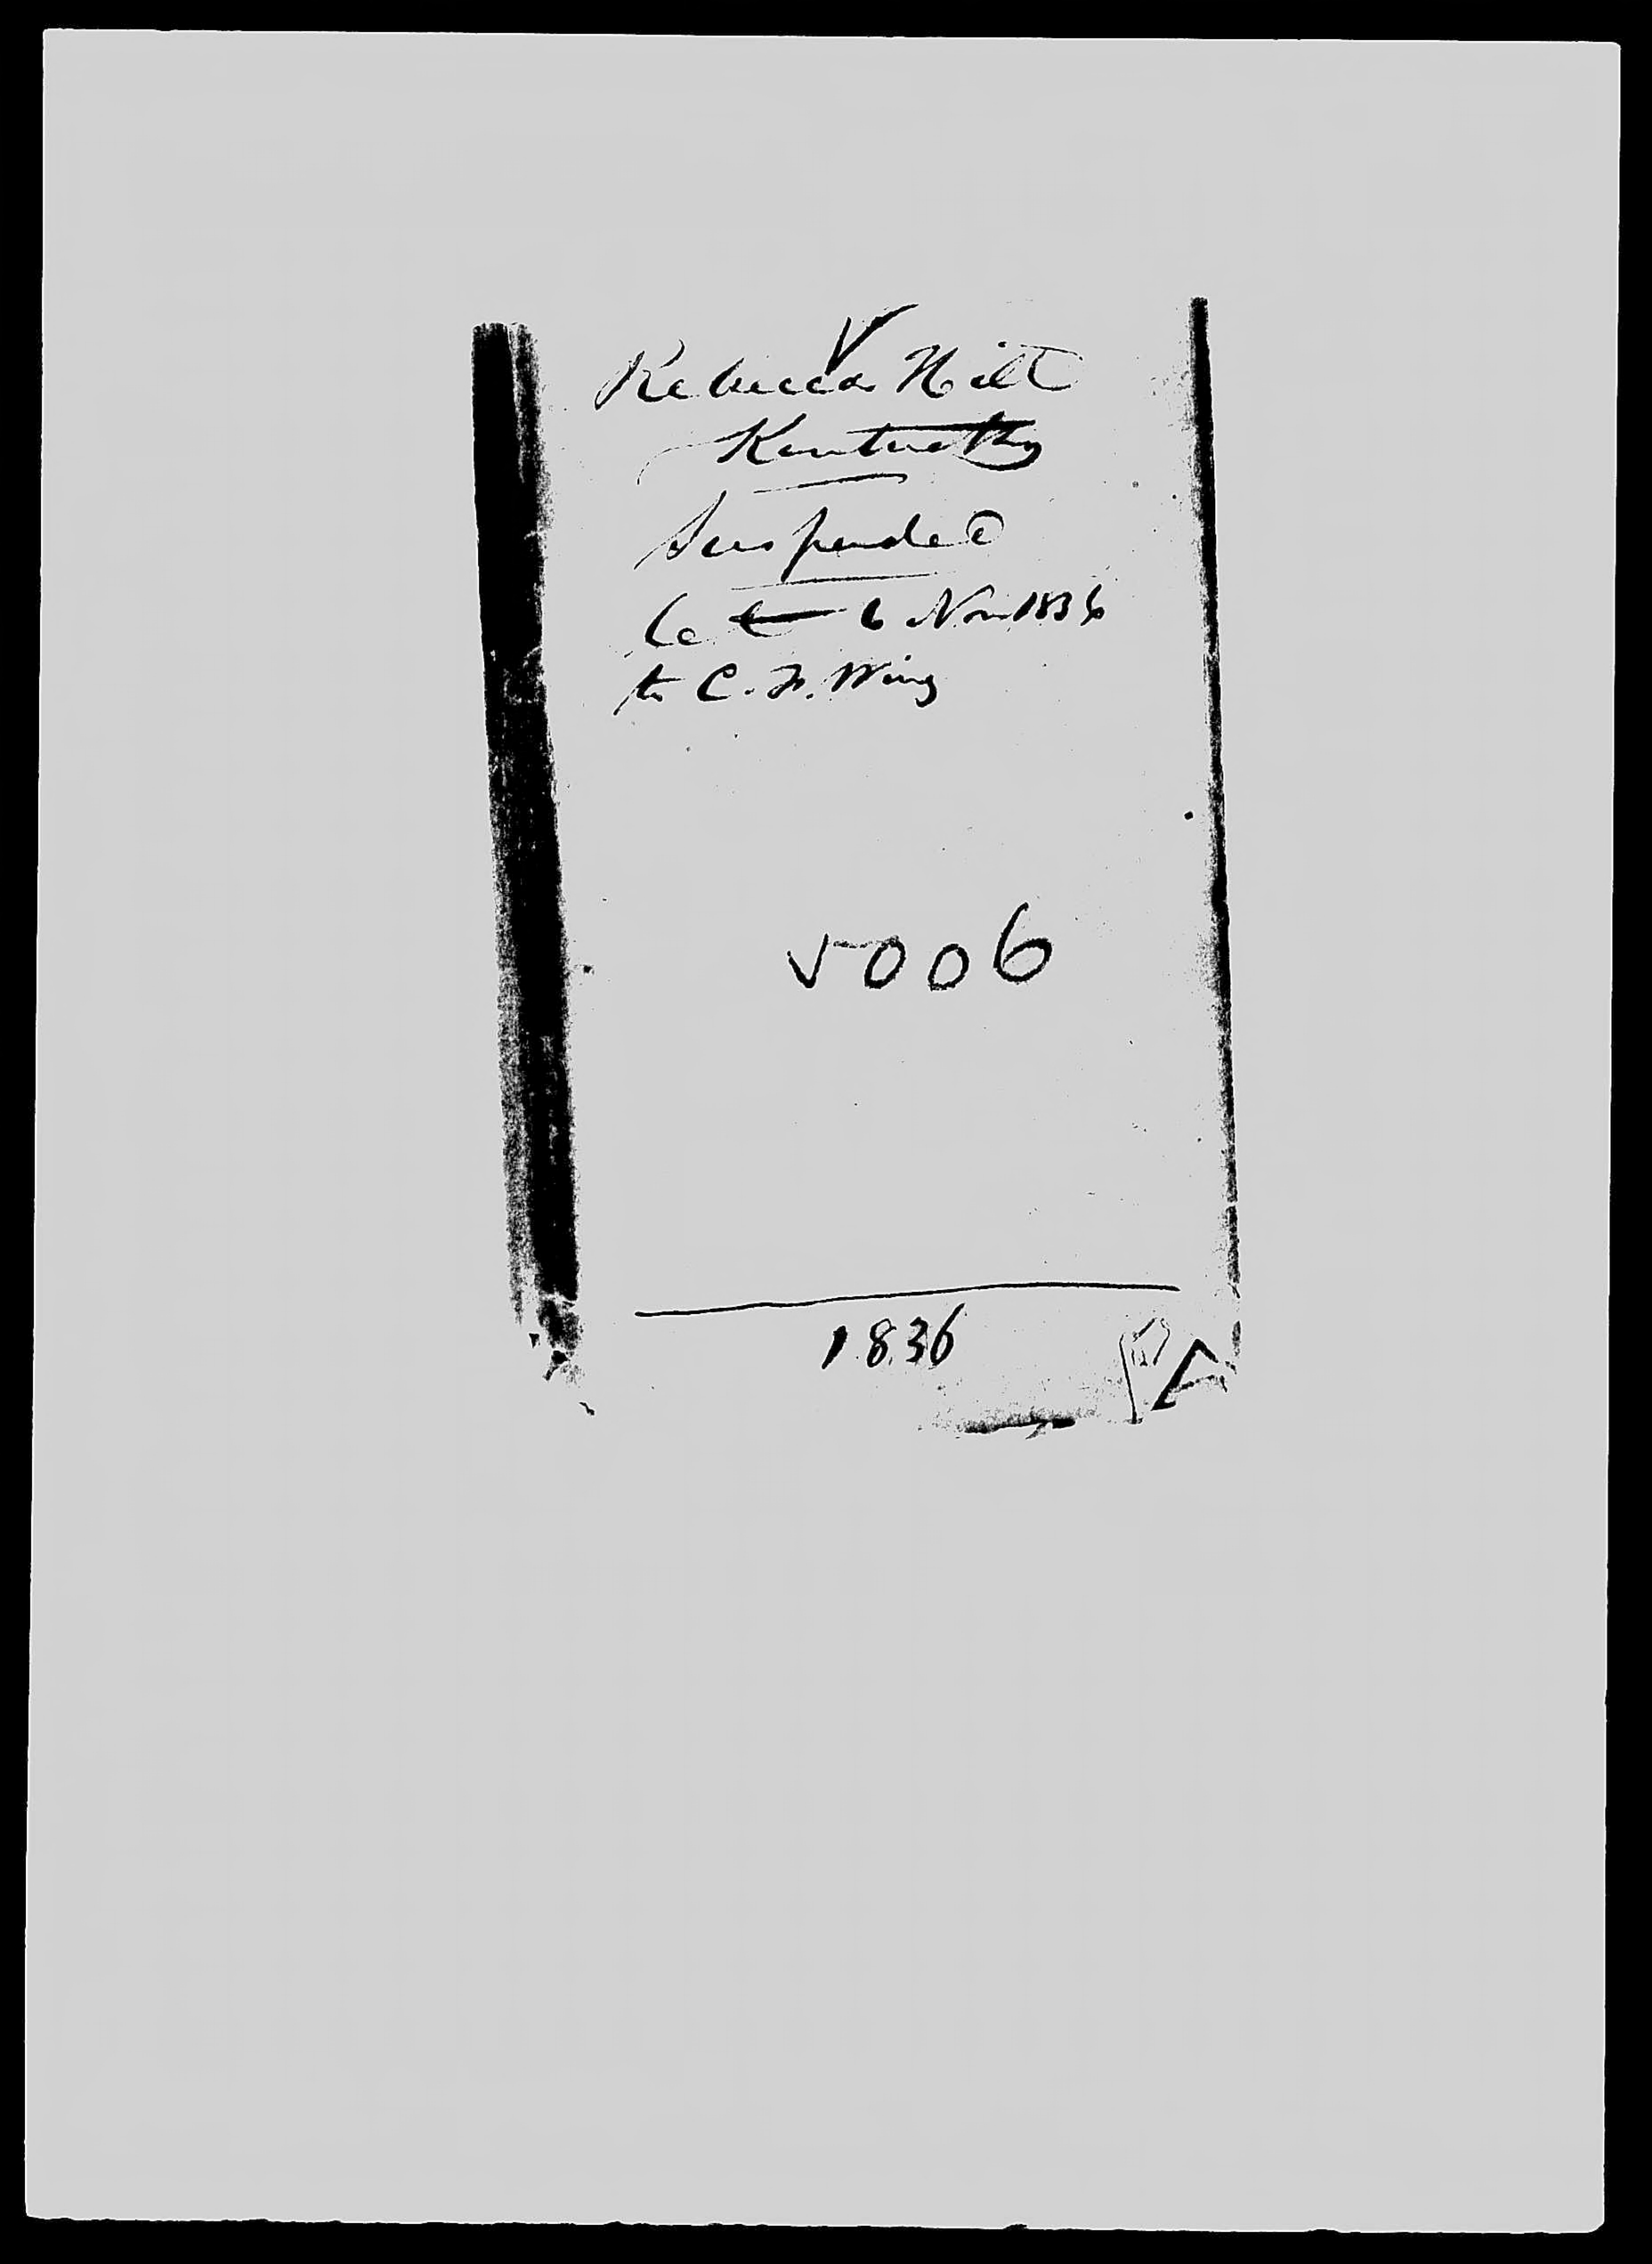Rebecca Hill 
Kentucky 
Suspended
Let [Letter] 6 Nov. 1836
to C.F. Wing

5006 
1836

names: C F Wing, Rebecca Hill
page: 25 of 27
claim: rejected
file: R. 5006, Richard Hill, N.C.